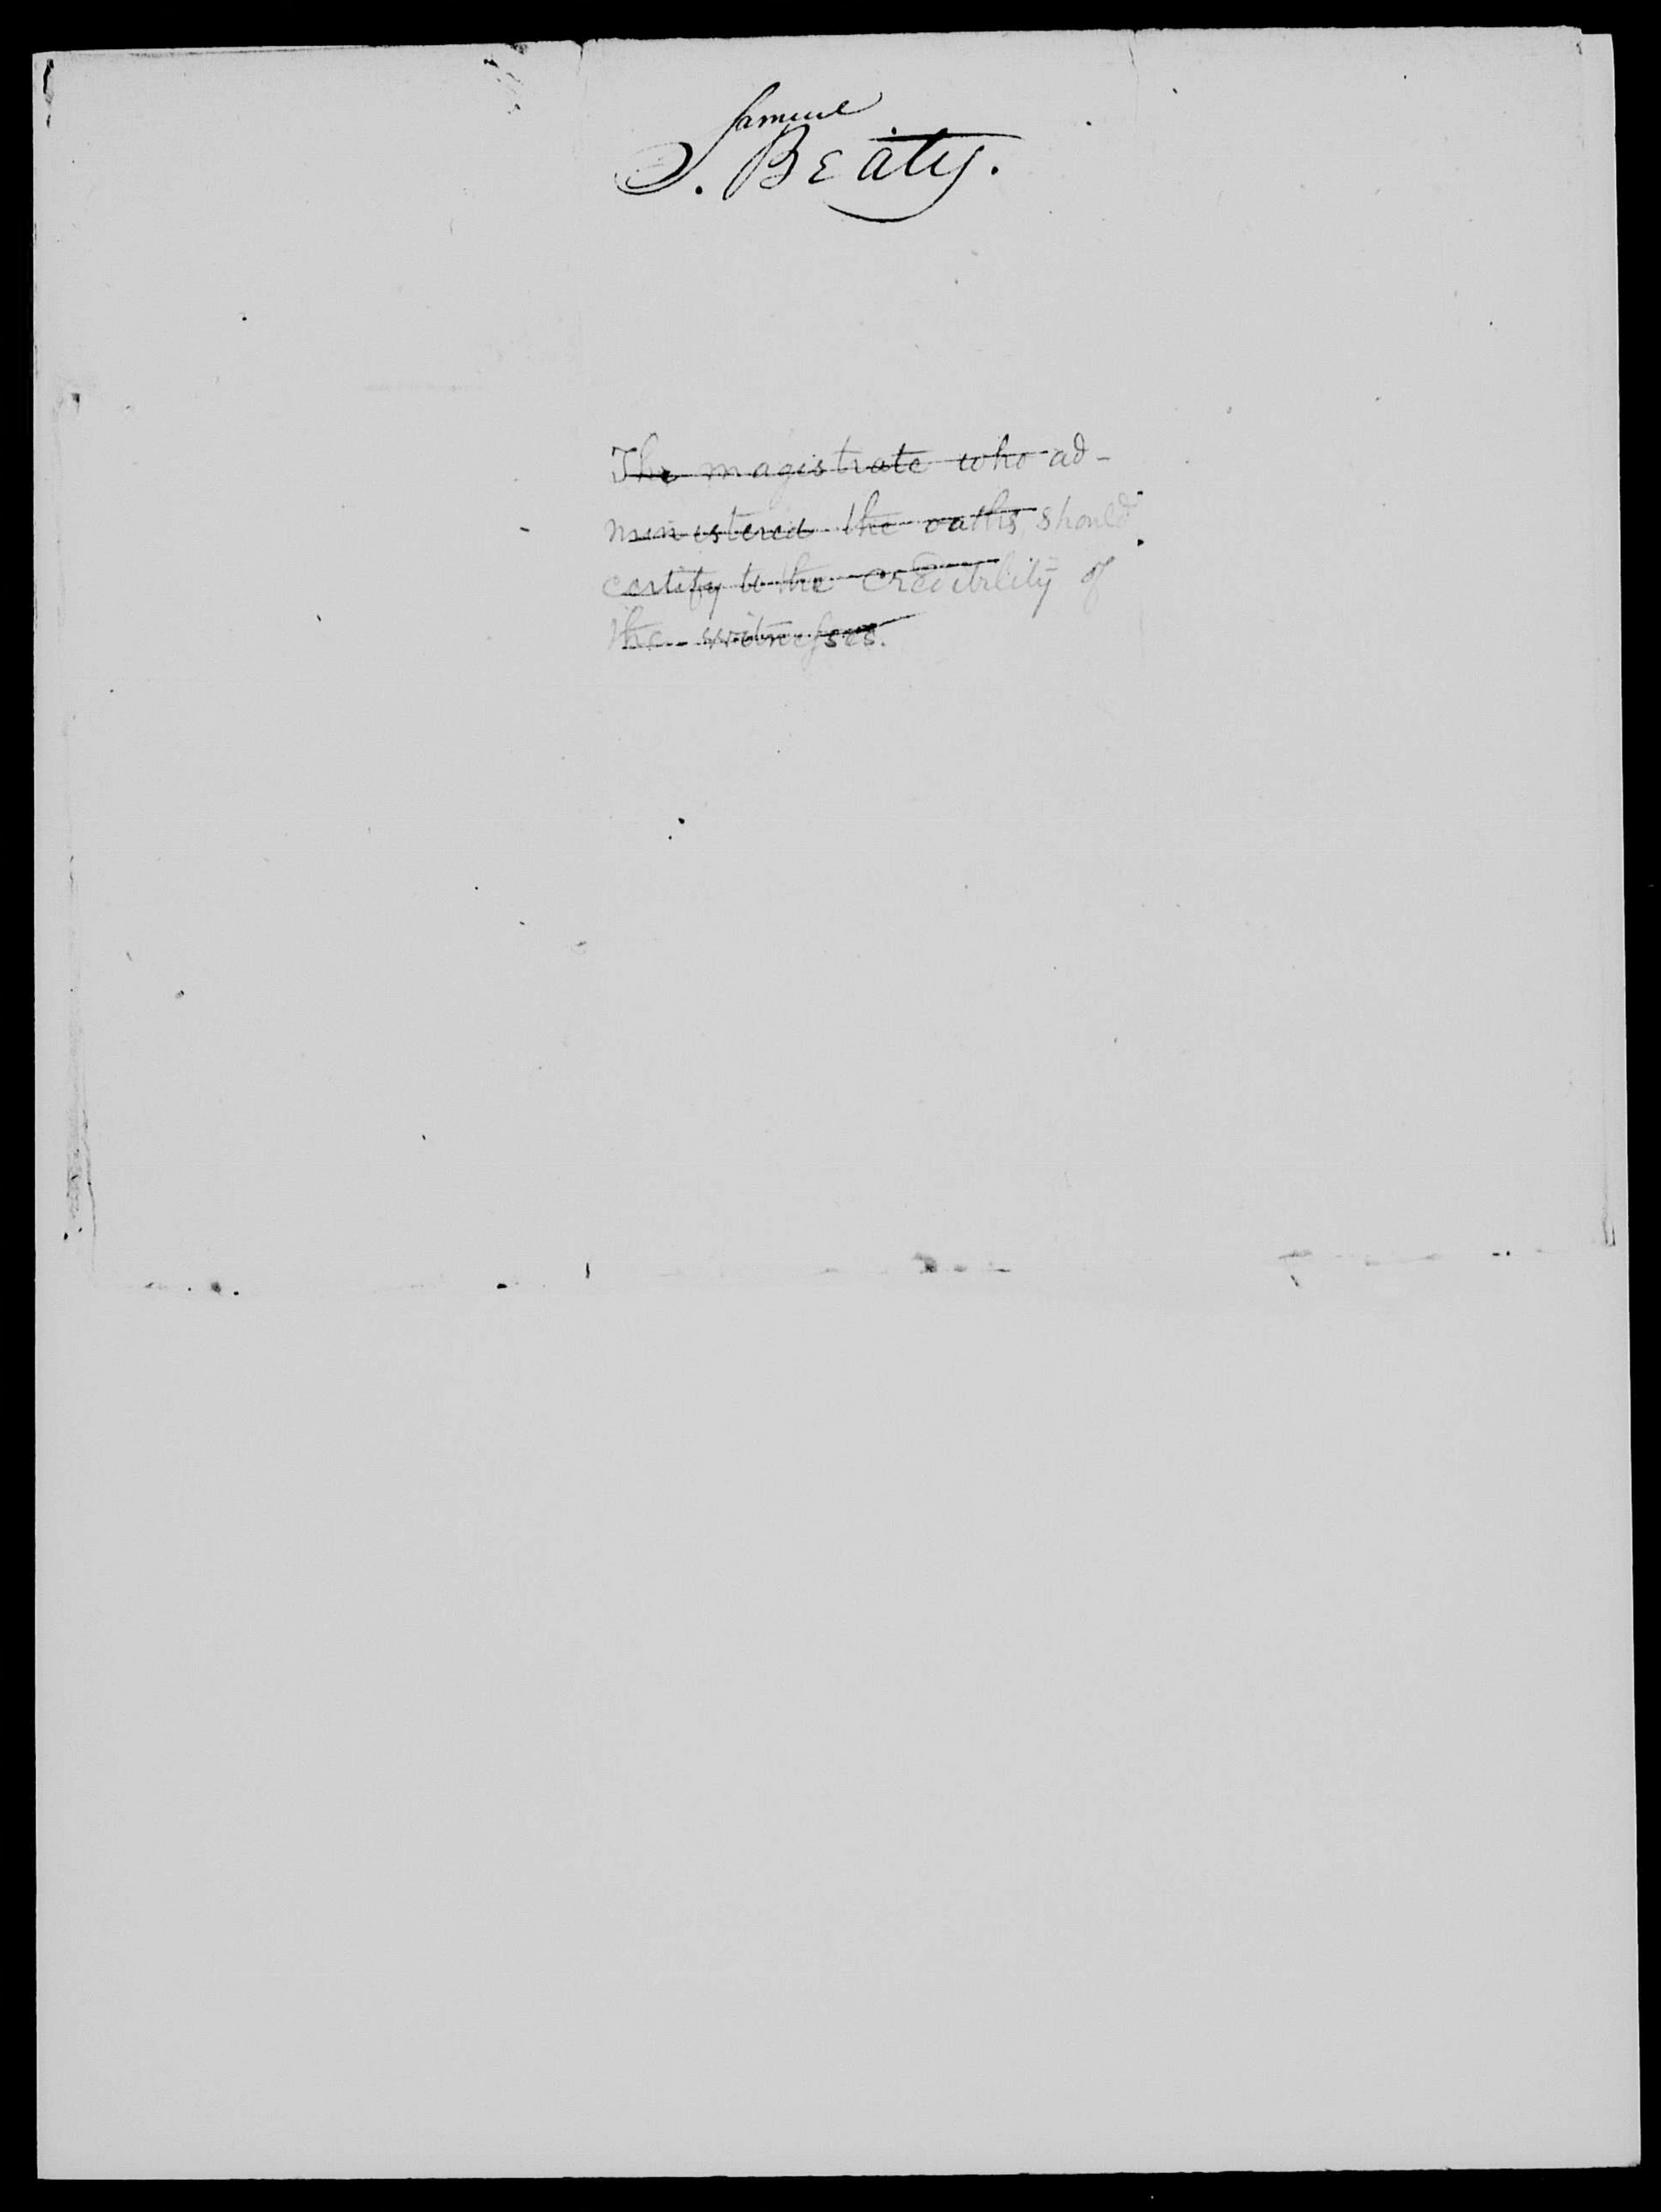Samuel Beaty
The magistrate who administered the oaths should certify to the credibility of the witnesses.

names: Samuel Beaty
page: 24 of 31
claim: survivor's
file: S. 34646, Samuel Beaty, Penn.